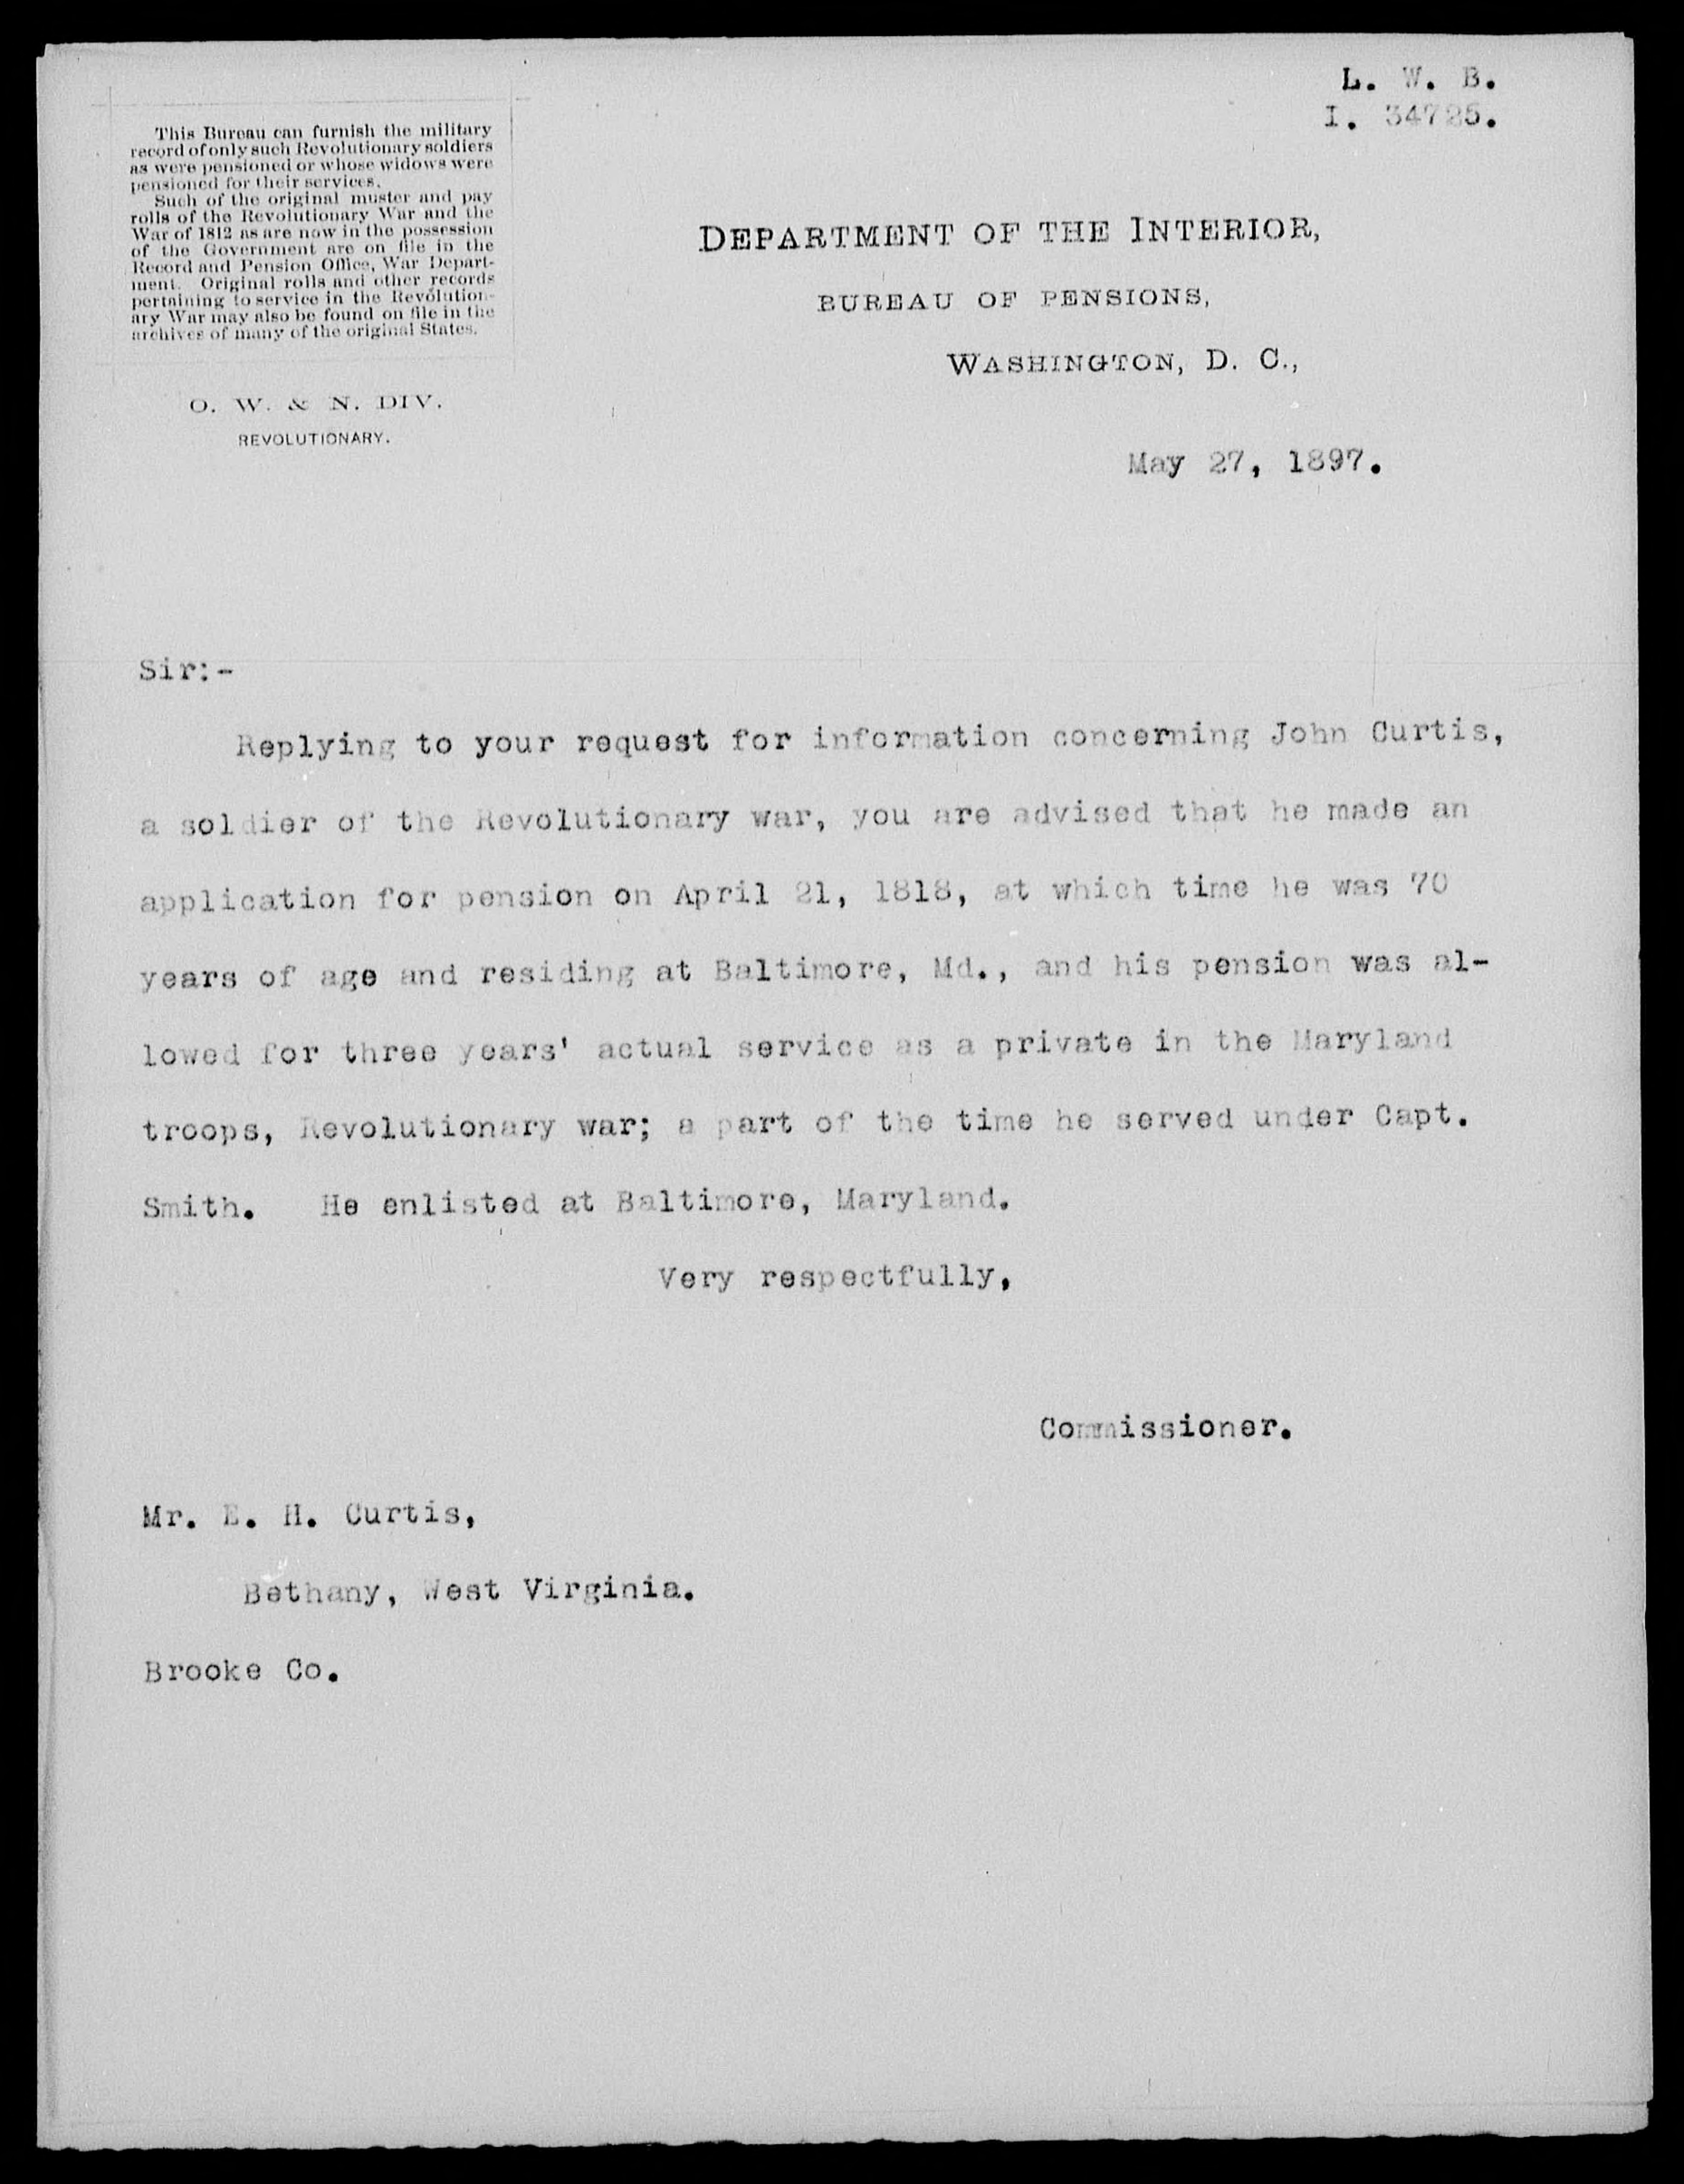This Bureau can furnish the military
record of only such Revolutionary soldiers
as were pensioned or whose widows were
pensioned for their services.
Such of the original muster and pay
rolls of the Revolutionary War and the
War of 1812 as are now in the possession
of the Government are on file in the
Record and Pension Office, War Department. 
Original rolls and other records
pertaining to service in the Revolutionary 
War may also be found on file in the
archives of many of the original States.

L.W.B.
I. 34725.

O. W. & N. DIV.
REVOLUTIONARY.

DEPARTMENT OF THE INTERIOR,
BUREAU OF PENSIONS,
WASHINGTON, D. C.,
May 27, 1897.

Sir:- 
Replying to your request for information concerning John Curtis,
a soldier of the Revolutionary war, you are advised that he made an
application for pension on April 21, 1818, at which time he was 70
years of age and residing at Baltimore, Md., and his pension was allowed
for three years' actual service as a private in the Maryland
troops, Revolutionary war; a part of the time he served under Capt.
Smith. He enlisted at Baltimore, Maryland.
Very respectfully,
Commissioner

Mr. E. H. Curtis,
Bethany, West Virginia.
Brooke Co.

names: Smith, E H Curtis, John Curtis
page: 24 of 26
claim: survivor's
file: S. 34,725, John Curtis, Md.